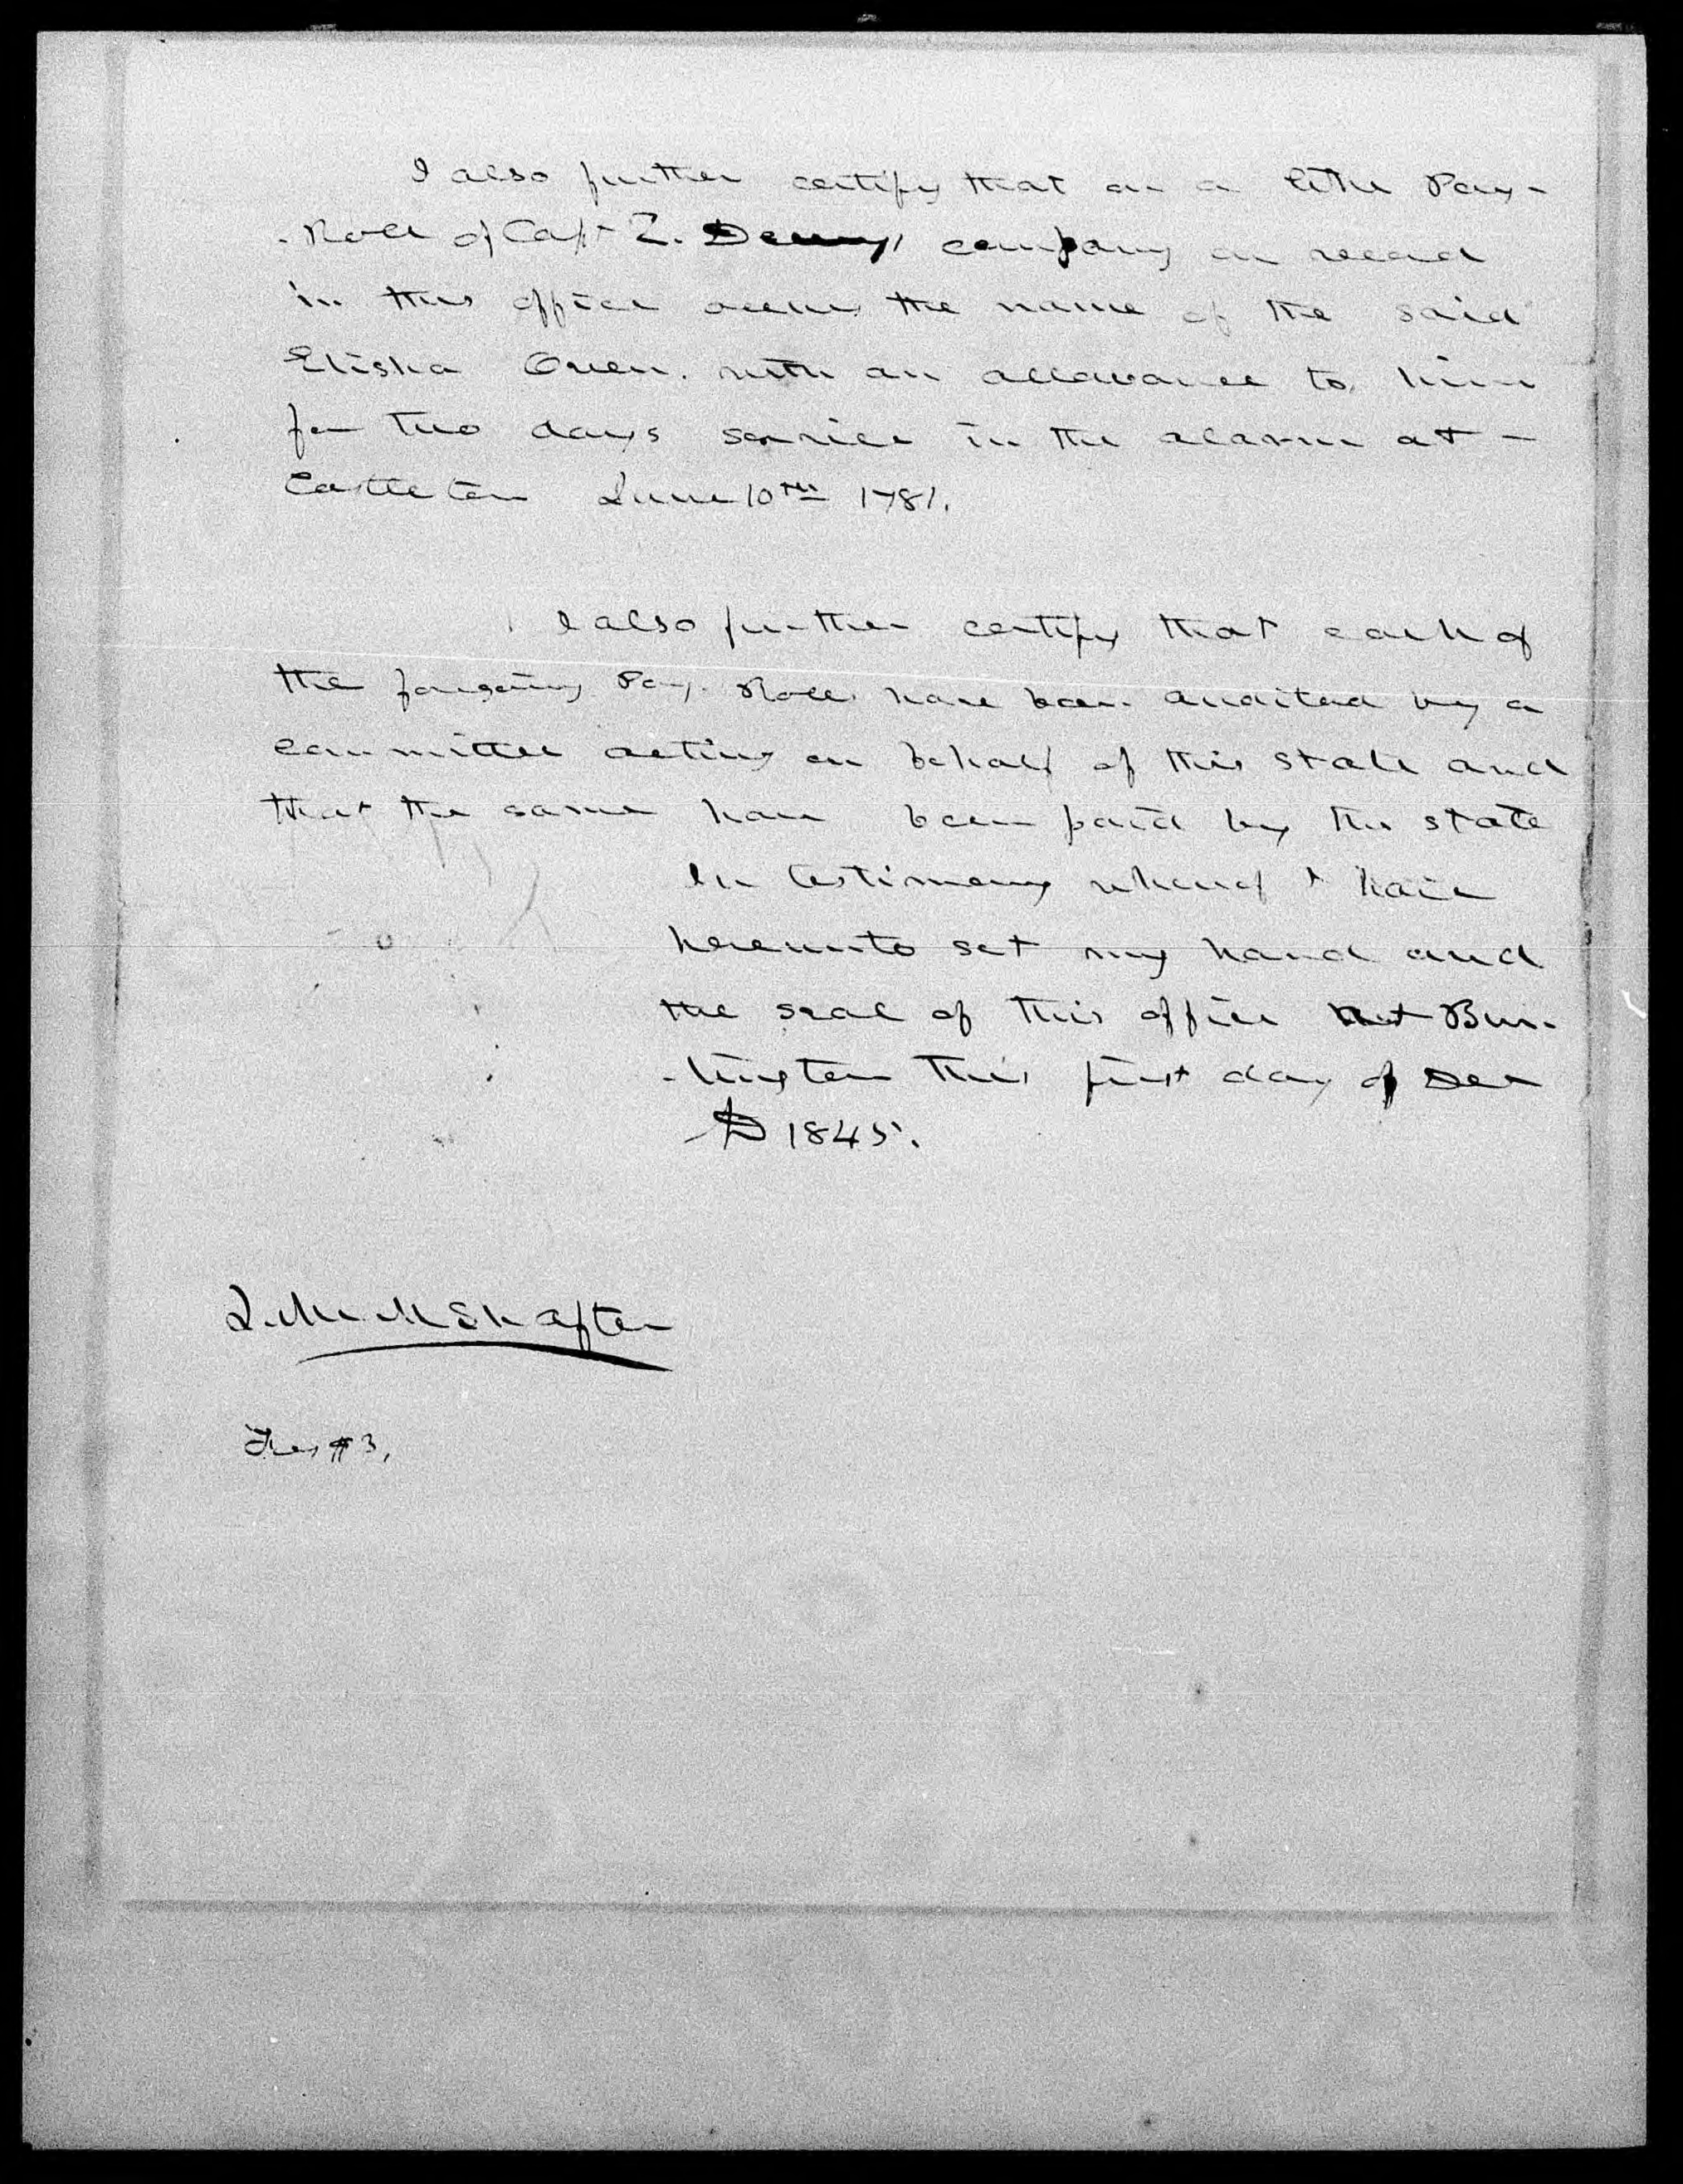I also further certify that as a [illegibile] Pay-Roll of Capt. Z. Dewey, company are record in this office exist the name of the said Elisha Owen with an allowance to live for two days service in the [illegible] at Castle ter June 10th 1781.

I also further certify that each of the foregoing Pay-Roll have been accounted by a committee acting on behalf of this state that that the same have been paid by the state. In Testimony whereof I have hereunto set my hand and the seal of this office Burlington [illegible] this first day of Dec, D 1845.

[signed with underline] 2. [illegible] Shafter

F[illegible] #3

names: J M M Shafter; Elisha Owen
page: 23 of 23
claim: survivor's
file: S 14072, for Elisha Owen, Vermont